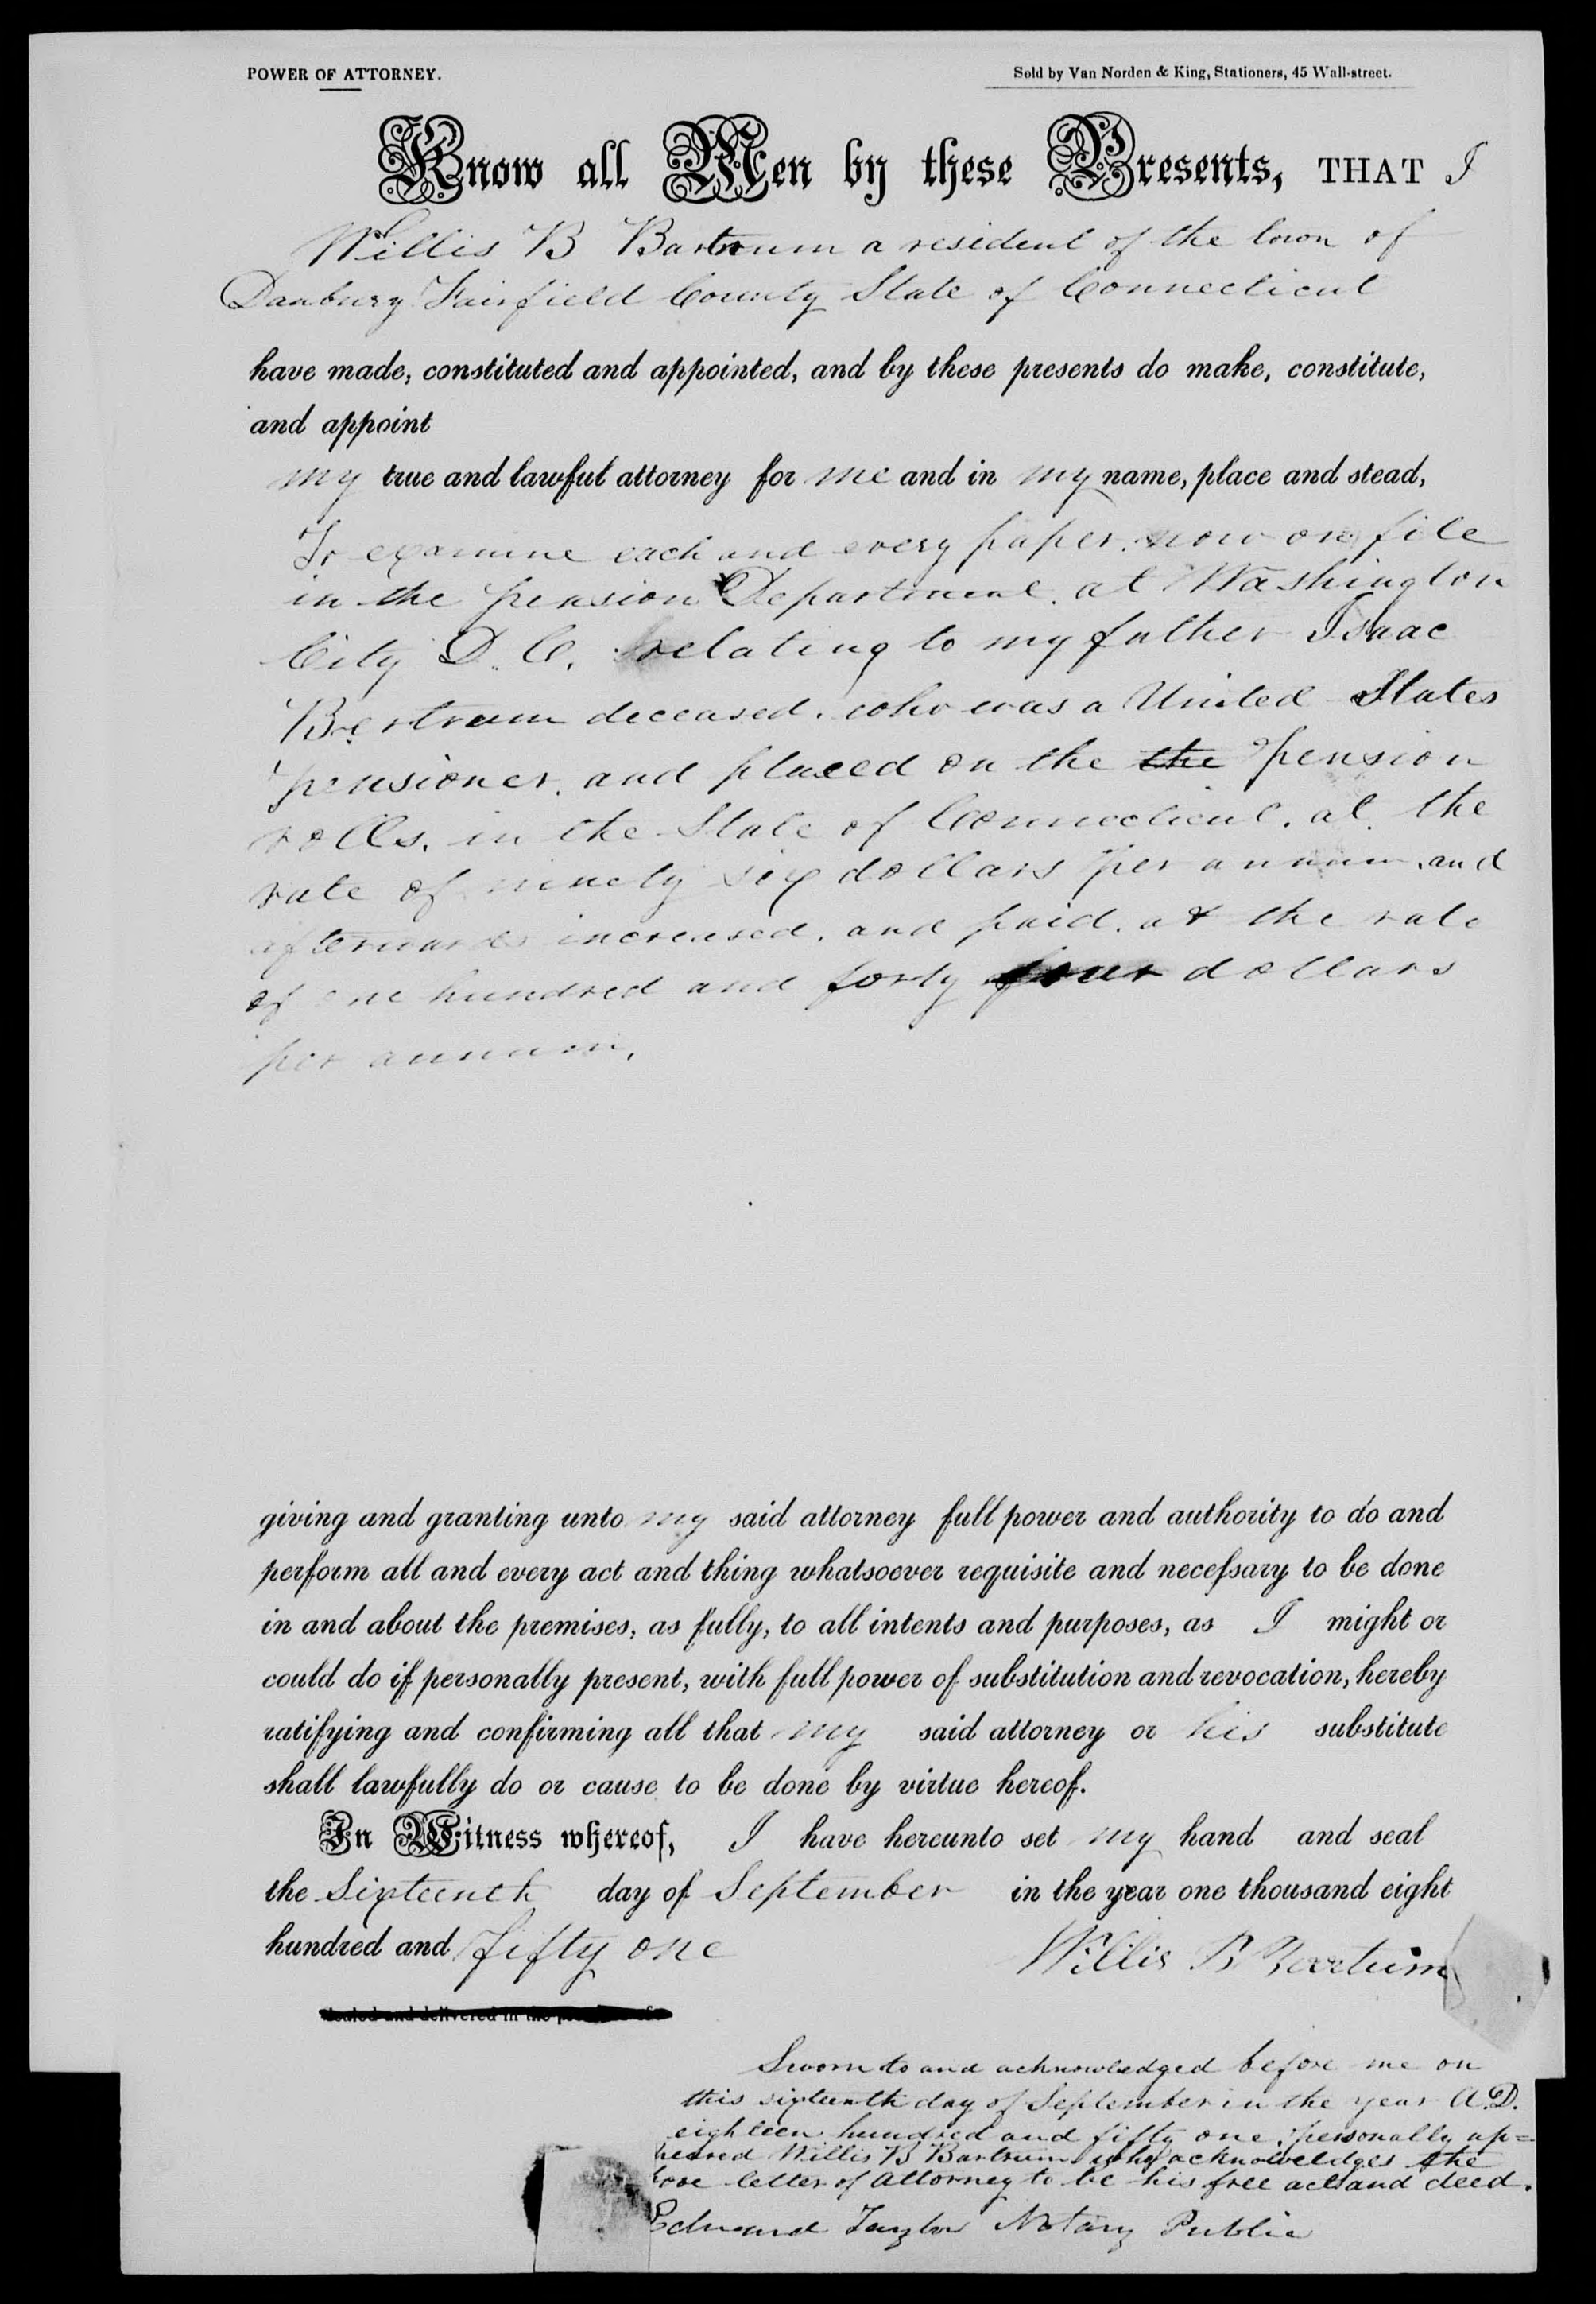POWER OF ATTORNEY.

Sold by Van Norden & King, Stationers, 45 Wall-street.

Know all Men by these Presents, THAT I
Willis B Bartrum a resident of the town of
Danbury Fairfield County State of Connecticut
have made, constituted and appointed, and by these presents do make, constitute,
and appoint
my true and lawful attorney for me and in my name, place and stead,
To examine each and every paper now on file
in the pension Department at Washington
City D. C. relating to my father Isaac
Bertrum deceased, who was a United States
pensioner, and placed on the pension
rolls in the State of Connecticut at the
rate of ninety six dollars per annum and
afterwards increased and paid at the rate
of one hundred and forty four dollars
per annum

giving and granting unto my said attorney full power and authority to do and
perform all and every act and thing whatsoever requisite and necessary to be done
in and about the premises, as fully, to all intents and purposes, as I might or
could do if personally present, with full power of substitution and revocation, hereby
ratifying and confirming all that my said attorney or his substitute
shall lawfully do or cause to be done by virtue hereof.

In Witness whereof, I have hereunto set my hand and seal
the Sixteenth day of September in the year one thousand eight
hundred and fifty 
Willis B Bartum

Sworn to and acknowledged before me on
this sixteenth day of September in the year A.D.
eighteen hundred and fifty one, personally appeared 
Willis B Bartrum who acknowledges the
those letter of attorney to be his free act and deed
Edward Taylor Notary Public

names: Willis B Bartrum, Isaac Bertrum, Willis B Bartrum, Edward Taylor, Willis B Bartum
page: 27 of 39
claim: survivor's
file: S. 12110, Isaac Bartram, Continental (Conn)